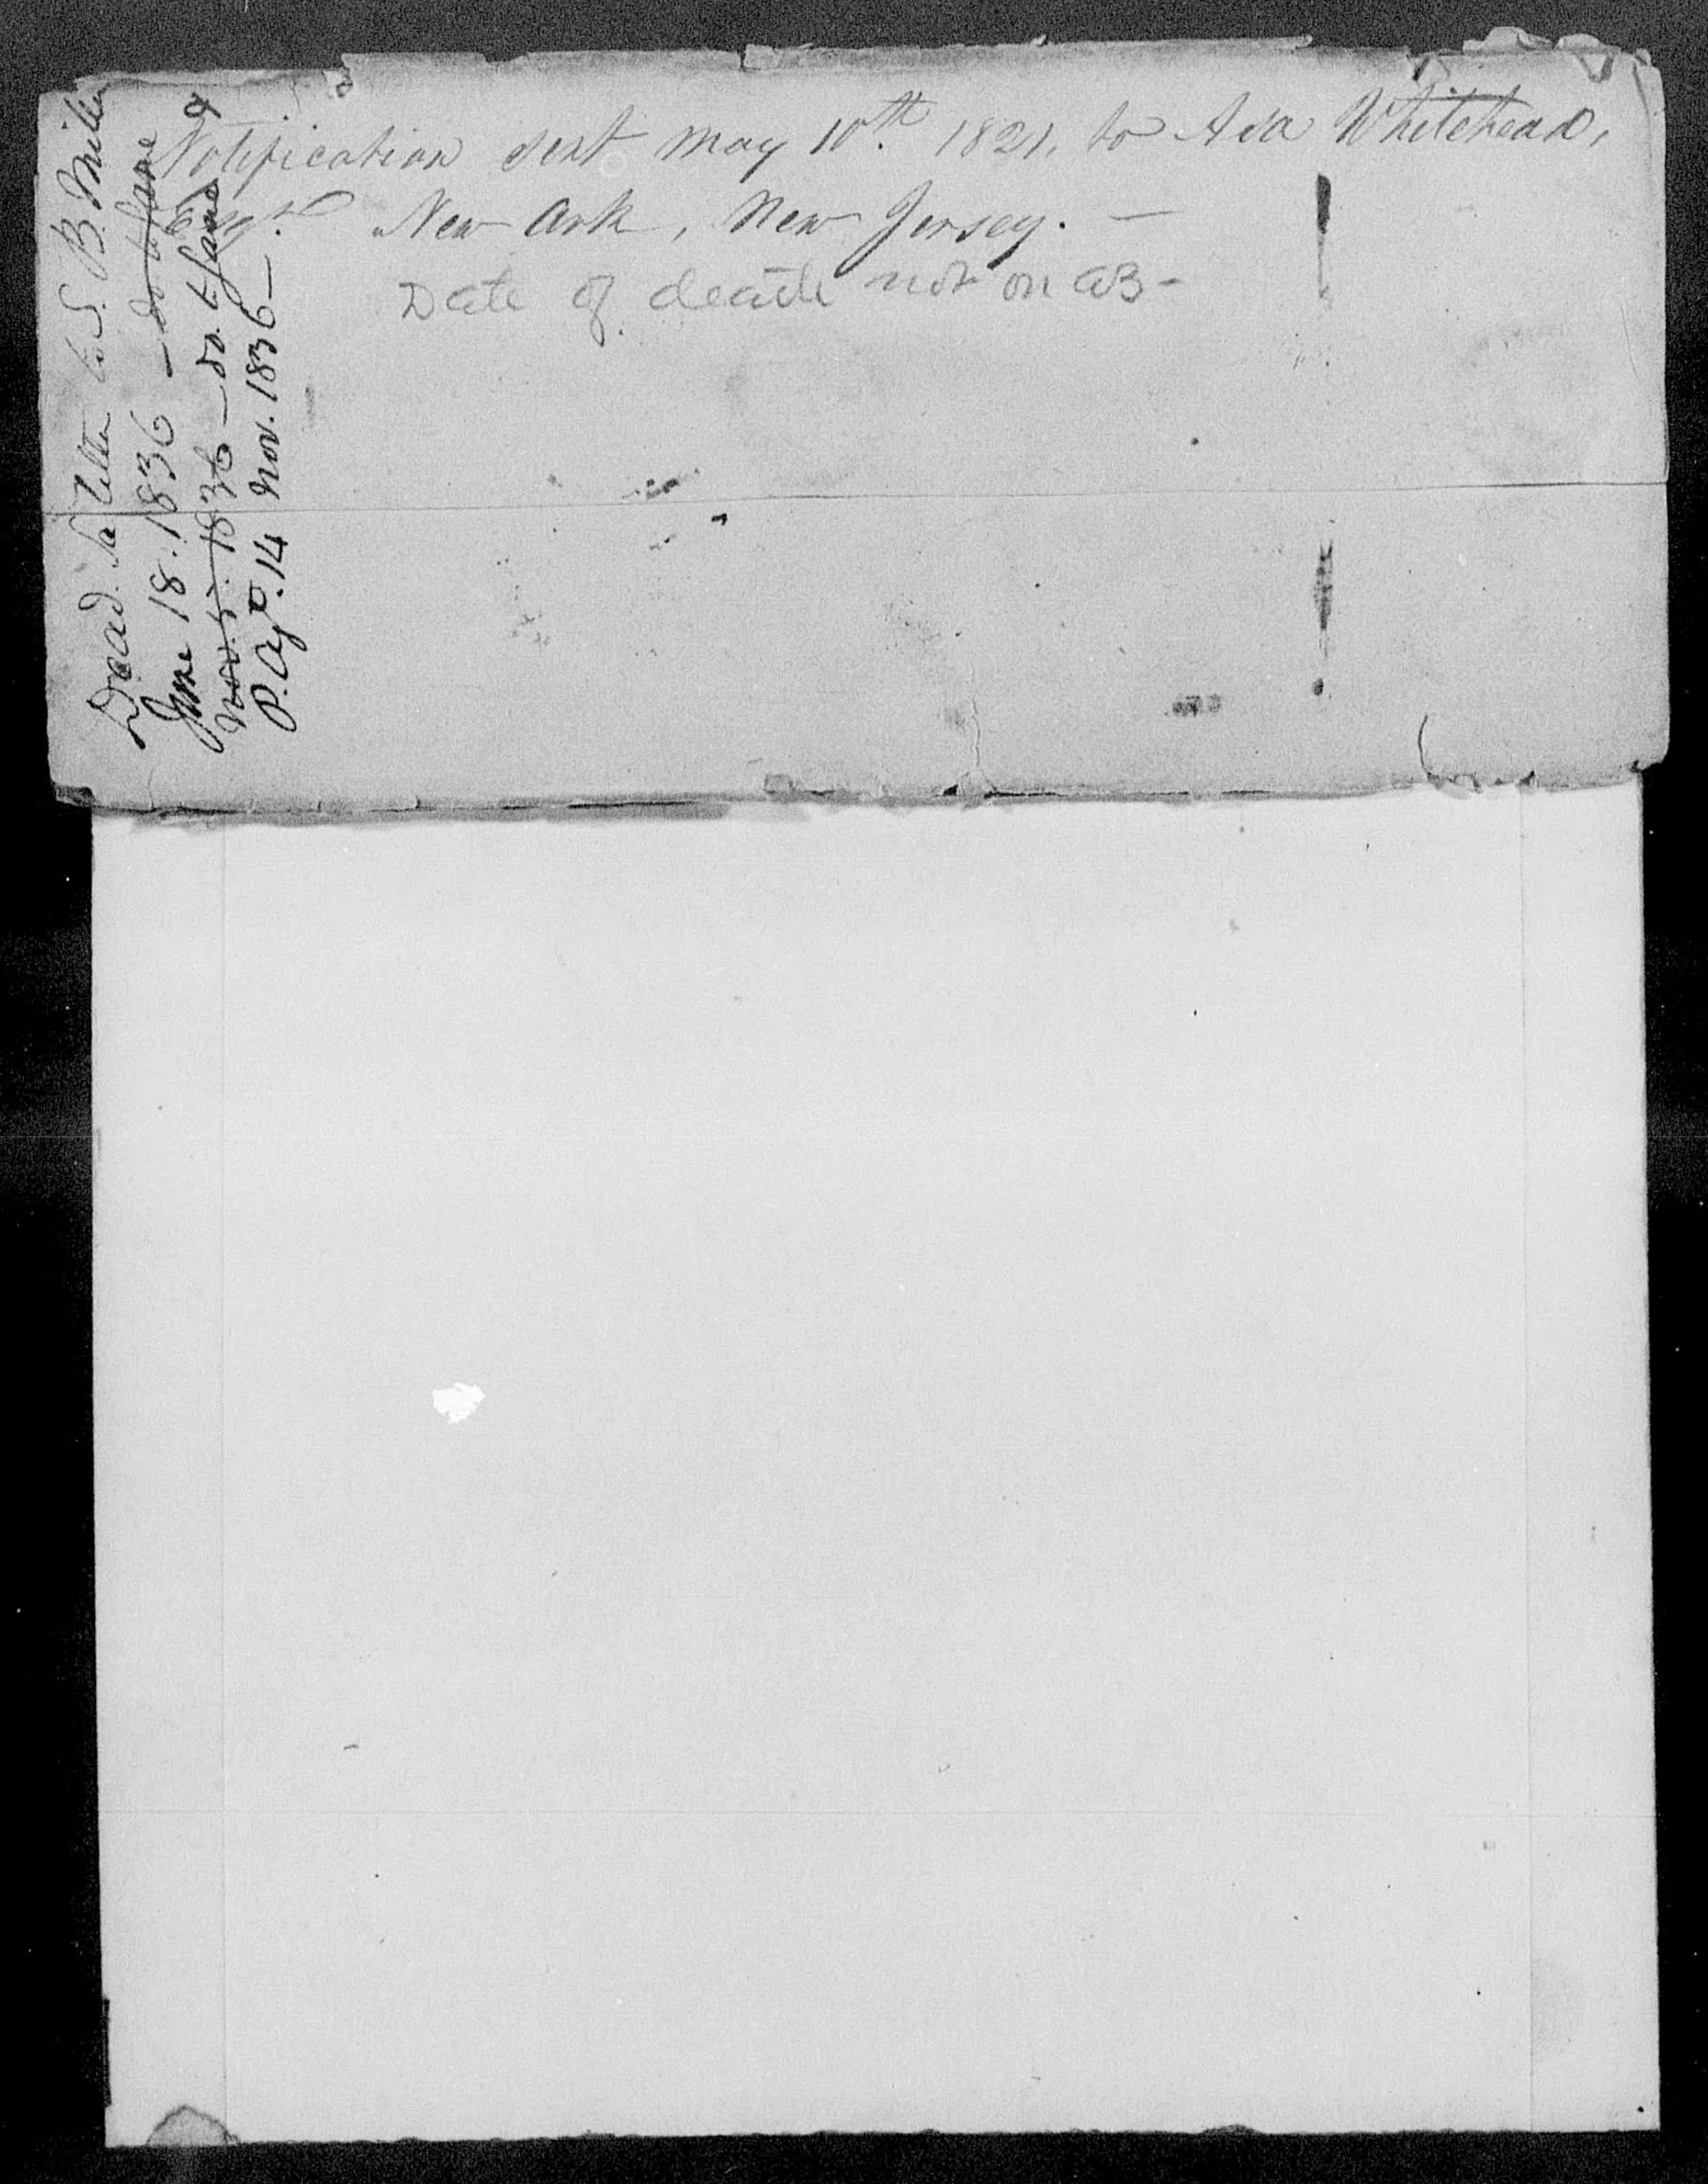Dead.  S. letter to S. B. Miller
June 18, 1836  ['do to same' crossed out]
['Nov. 5, 1836' crossed out]  do to same
P. Agt. 14 Nov. 1836

Notification sent May 10th 1821.
to Asa Whitehead,
New Ark, New Jersey
Date of death not on AB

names: Asa Whitehead, S B Miller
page: 3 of 52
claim: survivor's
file: S. 34172, Morris D Camp, Continental (New Jersey)